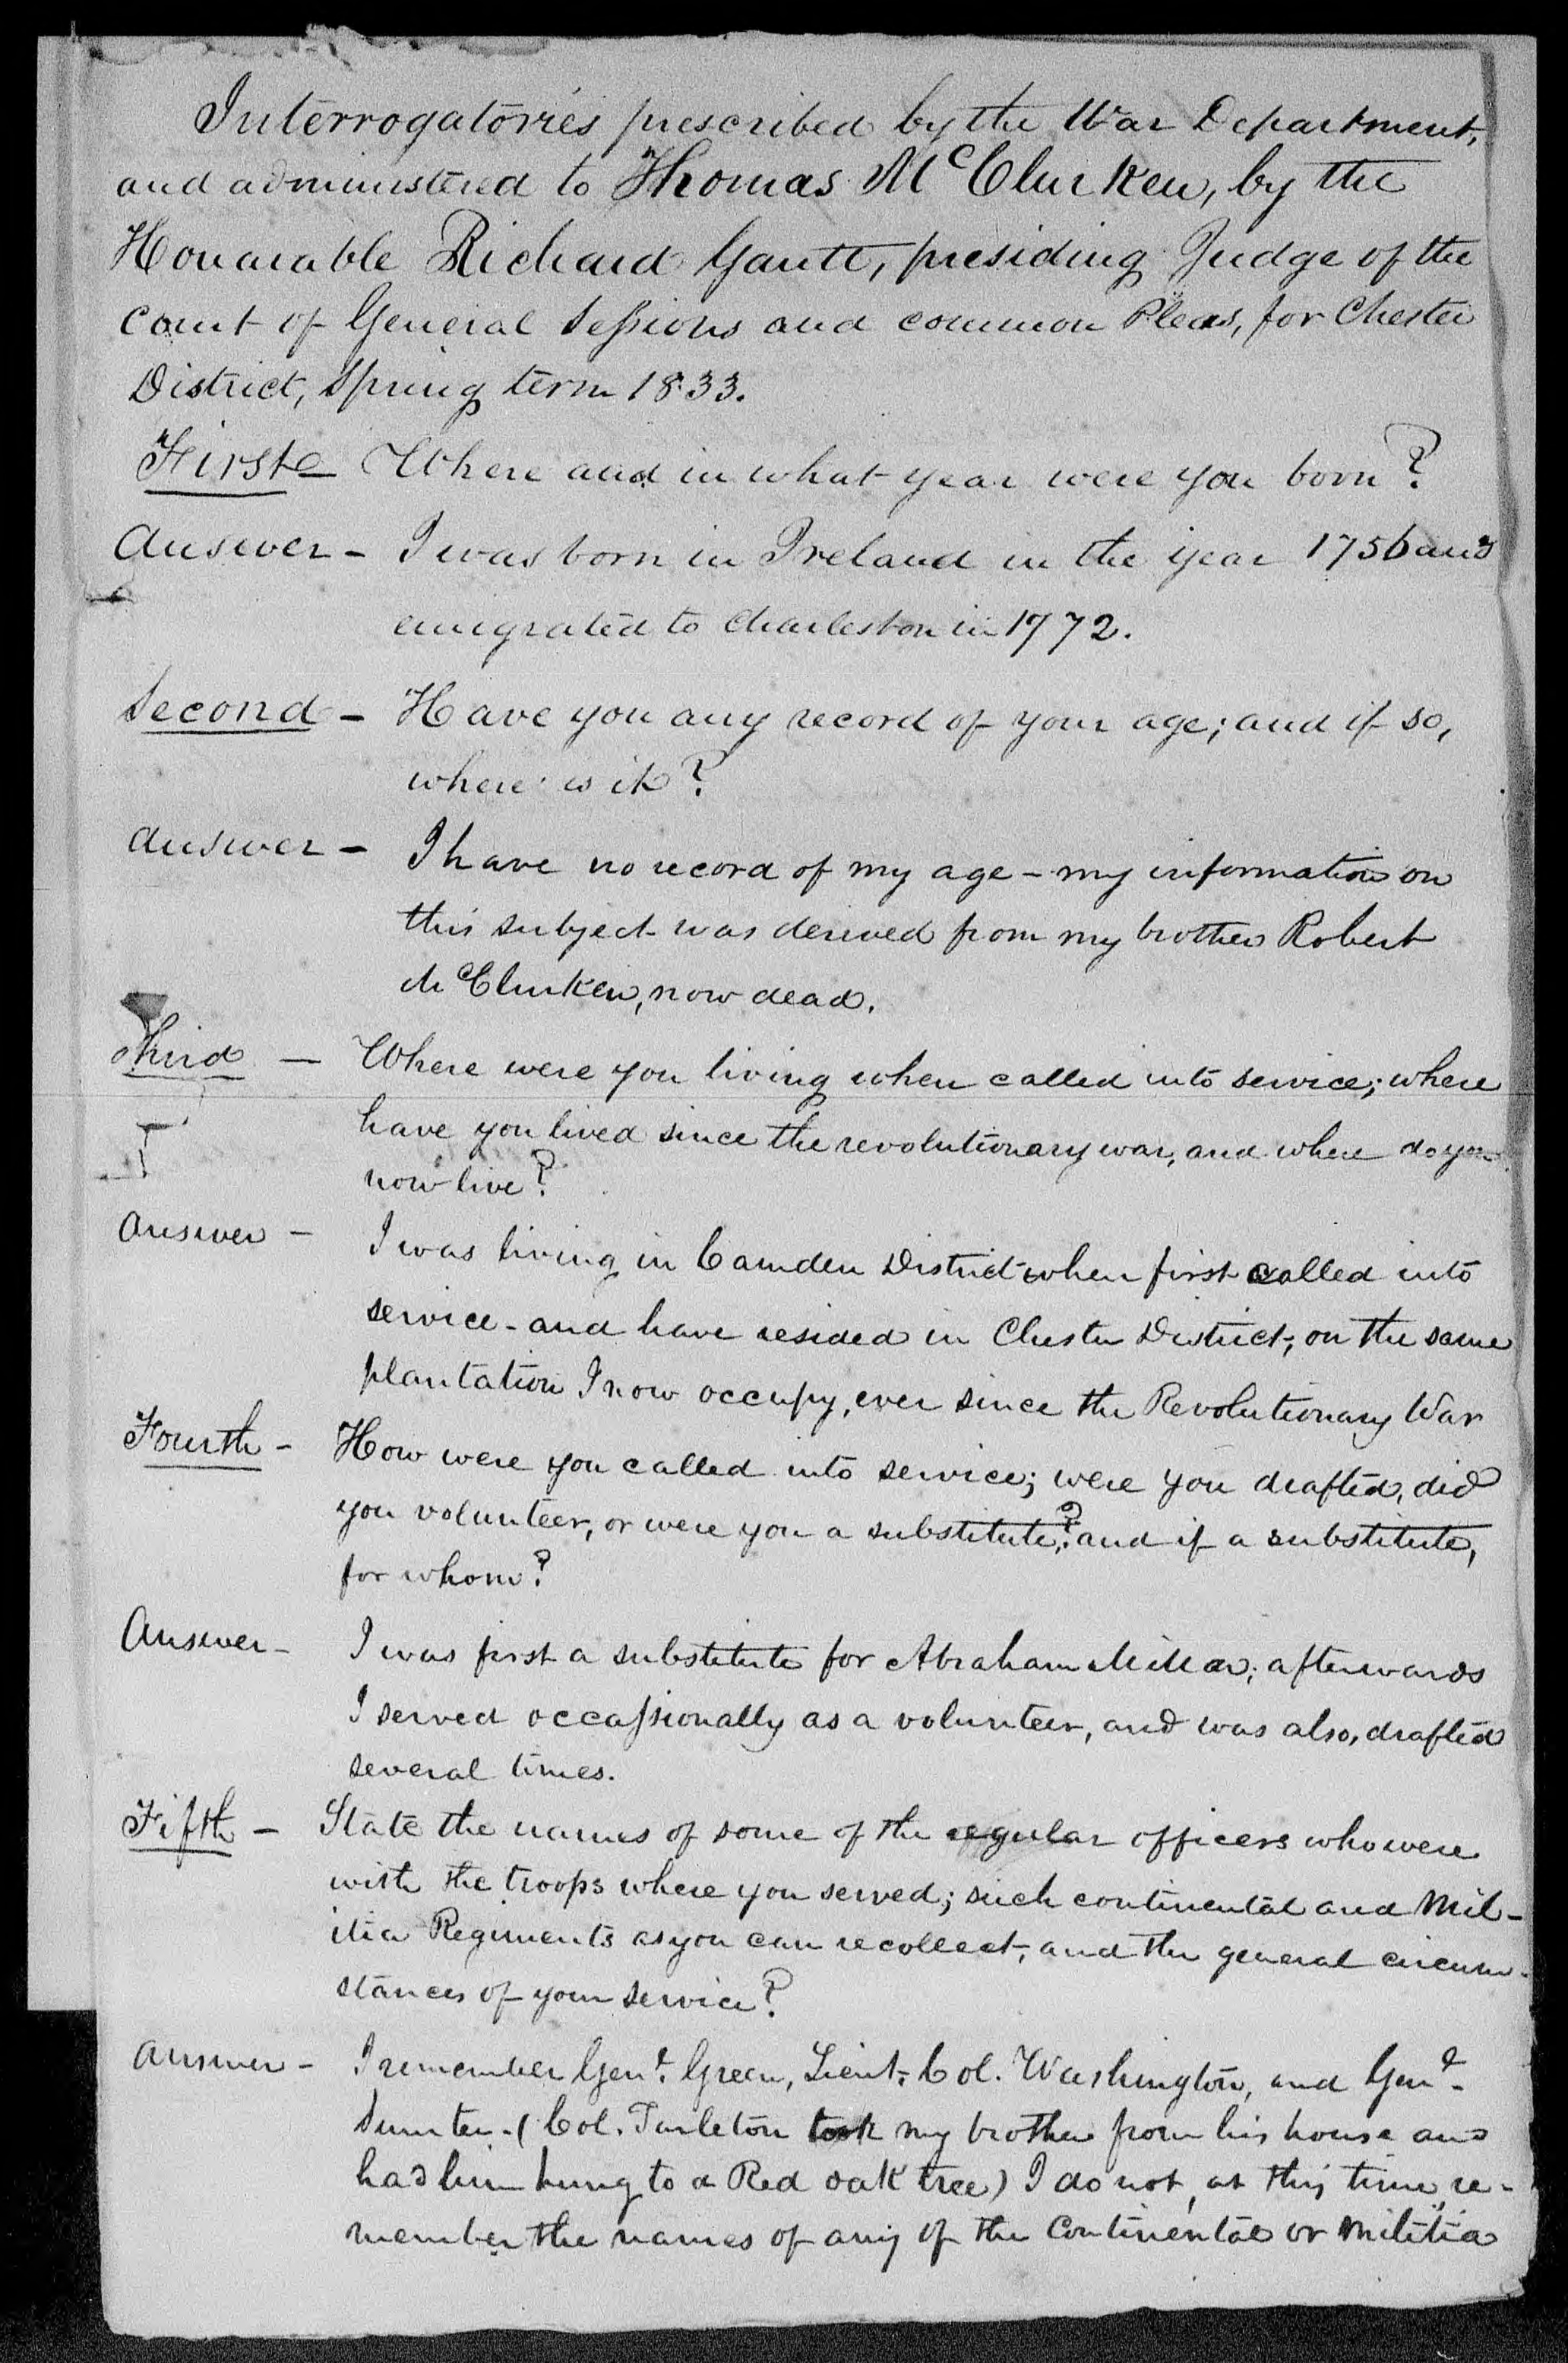Interrogatories prescribed by the War Department and administered to Thomas McClunken, by the Honorable Richard Gantt, presiding Judge of the General Sessions and common Pleas, for Chester District, Spring Term 1833. 

First- Where and in what year were you born Answer- I was born in Ireland in the year 1756 and emigrated to Charleston in 1772 

Second- Have you any record of your age; and if so, where is it? 
Answer- I have no record of my age - my information on this subject was derived from my brother Robert McClurken, now dead.

Third- Where were you living when called into service; where have you lived since the revolutionary war, and where do you now live?
Answer- I was living in Camden District when first called into service, and have resided in Chester District, on the same plantation I now occupy, ever since the Revolutionary War 

Fourth- How were you called into service; were you drafted, did you volunteer, or were you a substitute? and if a substitute, for whom?
Answer- I was first a substitute for Abraham Miller afterwards I served occasionally as a volunteer, and was also drafted several times. 

Fifth- State the names of some of the regular officers who were with the troops where you served; such continental and militia Regiments as you can recollect, and the general circumstances of your service? 
Answer- I remember Genl Green, Lieut. Col. Washington, and Genl Sumter, Col. Tarleton took my brother from his house and had him hurry to a Red oak tree) I do not at this time member the names of any of the Continental or militia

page: 14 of 93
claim: widow's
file: W. 21792, for Thomas Mc Clurken, South Carolina